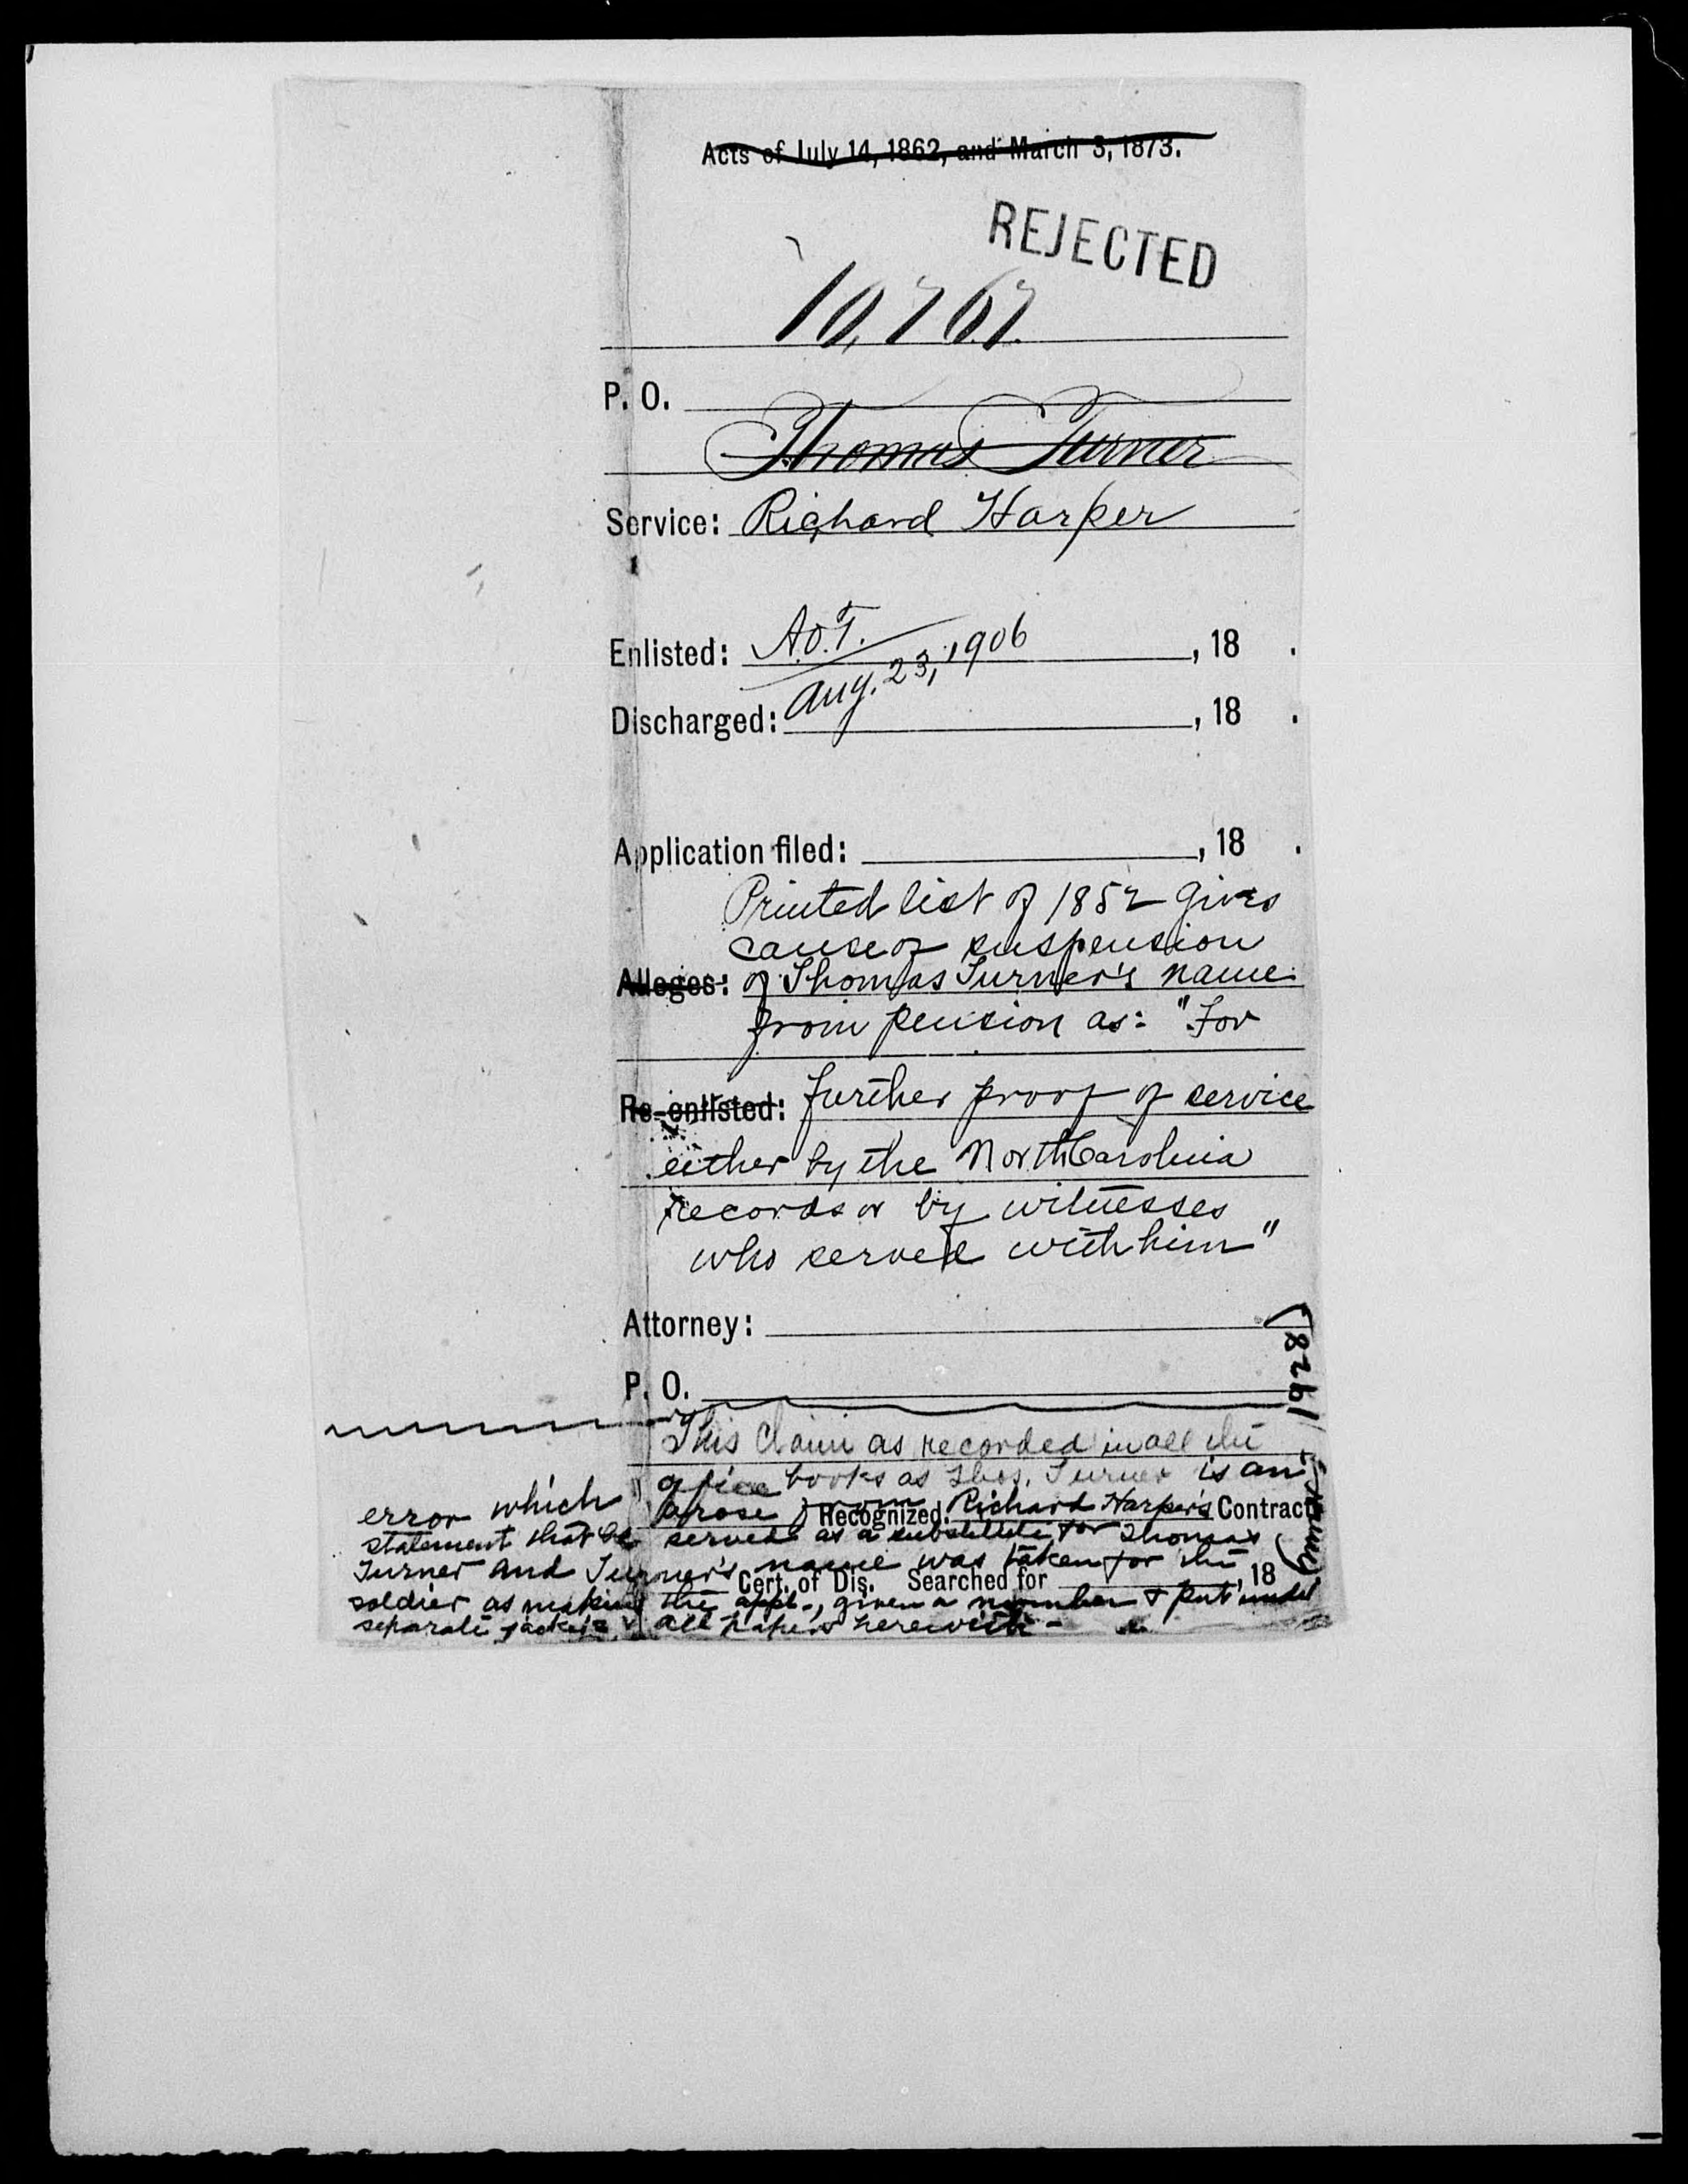[Acts of July 14, 1862, and March 3, 1873. -struck through]
REJECTED
10767
P.O. [Thomas Turner- struck through]
Service: Richard Harper
Enlisted: AOT  ,18
Discharged: Aug. 23,1906  ,18
Application filed: [blank] ,18
Printed list of 1852 gives
cause of suspension of Thomas Turner's name
from pension as: "For further proof of service
either by the North Carolina Records or by witnesses who served with him
Attorney: [blank]
P.O. [blank]
 This claim as recorded in all the
office books as Thos. Turner is an error which
arose from [Recognized] Richard Harper's [Contact] statement that he served as a substitute for Thomas Turner and Turner's name [Cert of Dis. Searched for] was taken for this soldier as making the appl. given a number & put under separate jacker & all papers herewith [illegible] 1928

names: Thos Turner, Thomas Turner, Richard Harper, Richard Harper, Thomas Turner, Turner, Thomas Turner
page: 47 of 81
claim: survivor's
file: S. 1908, Richard Harper, N.C.